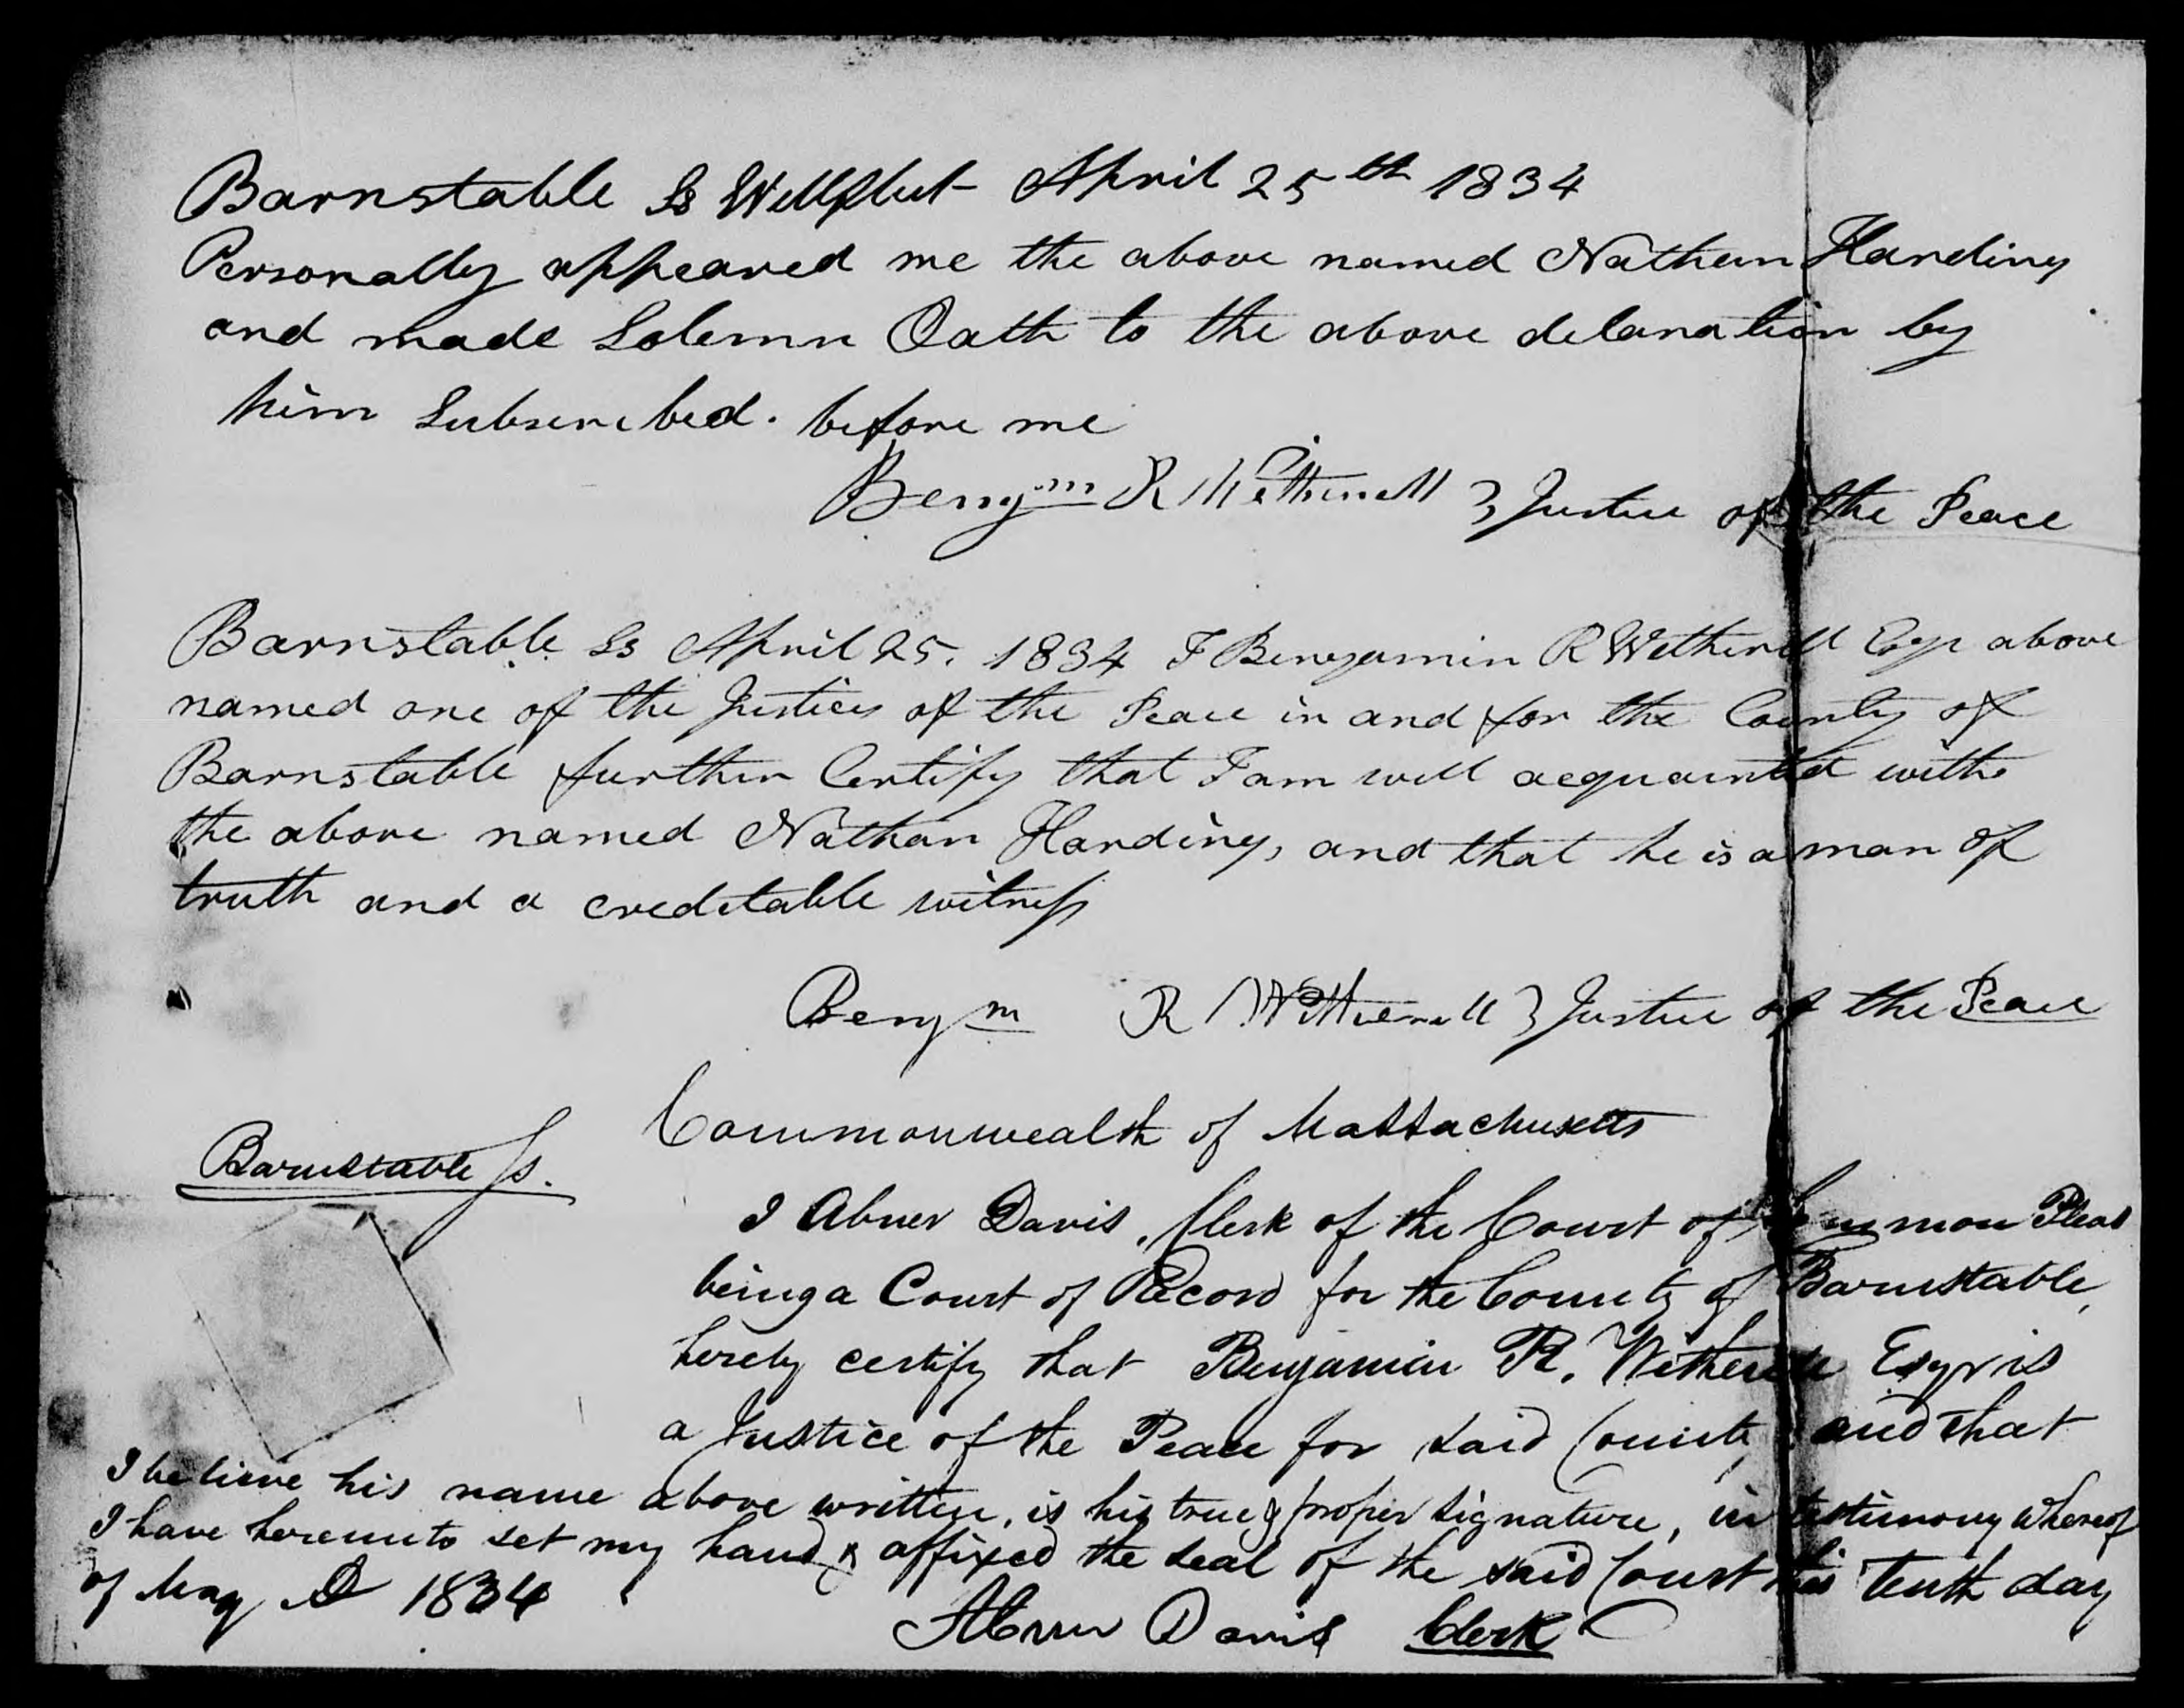Barnstable SS Wellfleet April 25th 1834 
Personally appeared me the above named Nathan Harding and made Solemn Oath to the above declaration by him subscribed before me 
Benj R Witherell Justice of the Peace

Barnstable Ss April 25, 1834 
I Benjamin R Wetherell Esq above named one of the Justices of the Peace in and for the ┃ Barnstable further certify that I am well acquainted with the above named Nathan Harding, and that he is a man of truth and a creditable witness 
Benj R Witherell Justice of the Peace

Barnstable ss. --- Commonwealth of Massachusetts 
I Abner Davis, Clerk of the Court of Common Pleas being a Court of Record for the County of Barnstable hereby certify that Benjamin R. Witherell Esqr is a Justice of the Peace for said County and that above written, is his true & proper signature, and that I believe his name above written  is his true & proper signature, in testimony whereof I have hereunto set my hand & affixed the seal of the said Court May AD 1834 
Abner Davis Clerk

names: Nathan Harding, Abner Davis, Benjamin R Witherell, Abner Davis, Benjamin R Witherell, Nathan Harding, Benjm R Witherell, Benjm R Witherell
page: 42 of 43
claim: survivor's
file: S. 29,732, John Collins, Mass. Navy